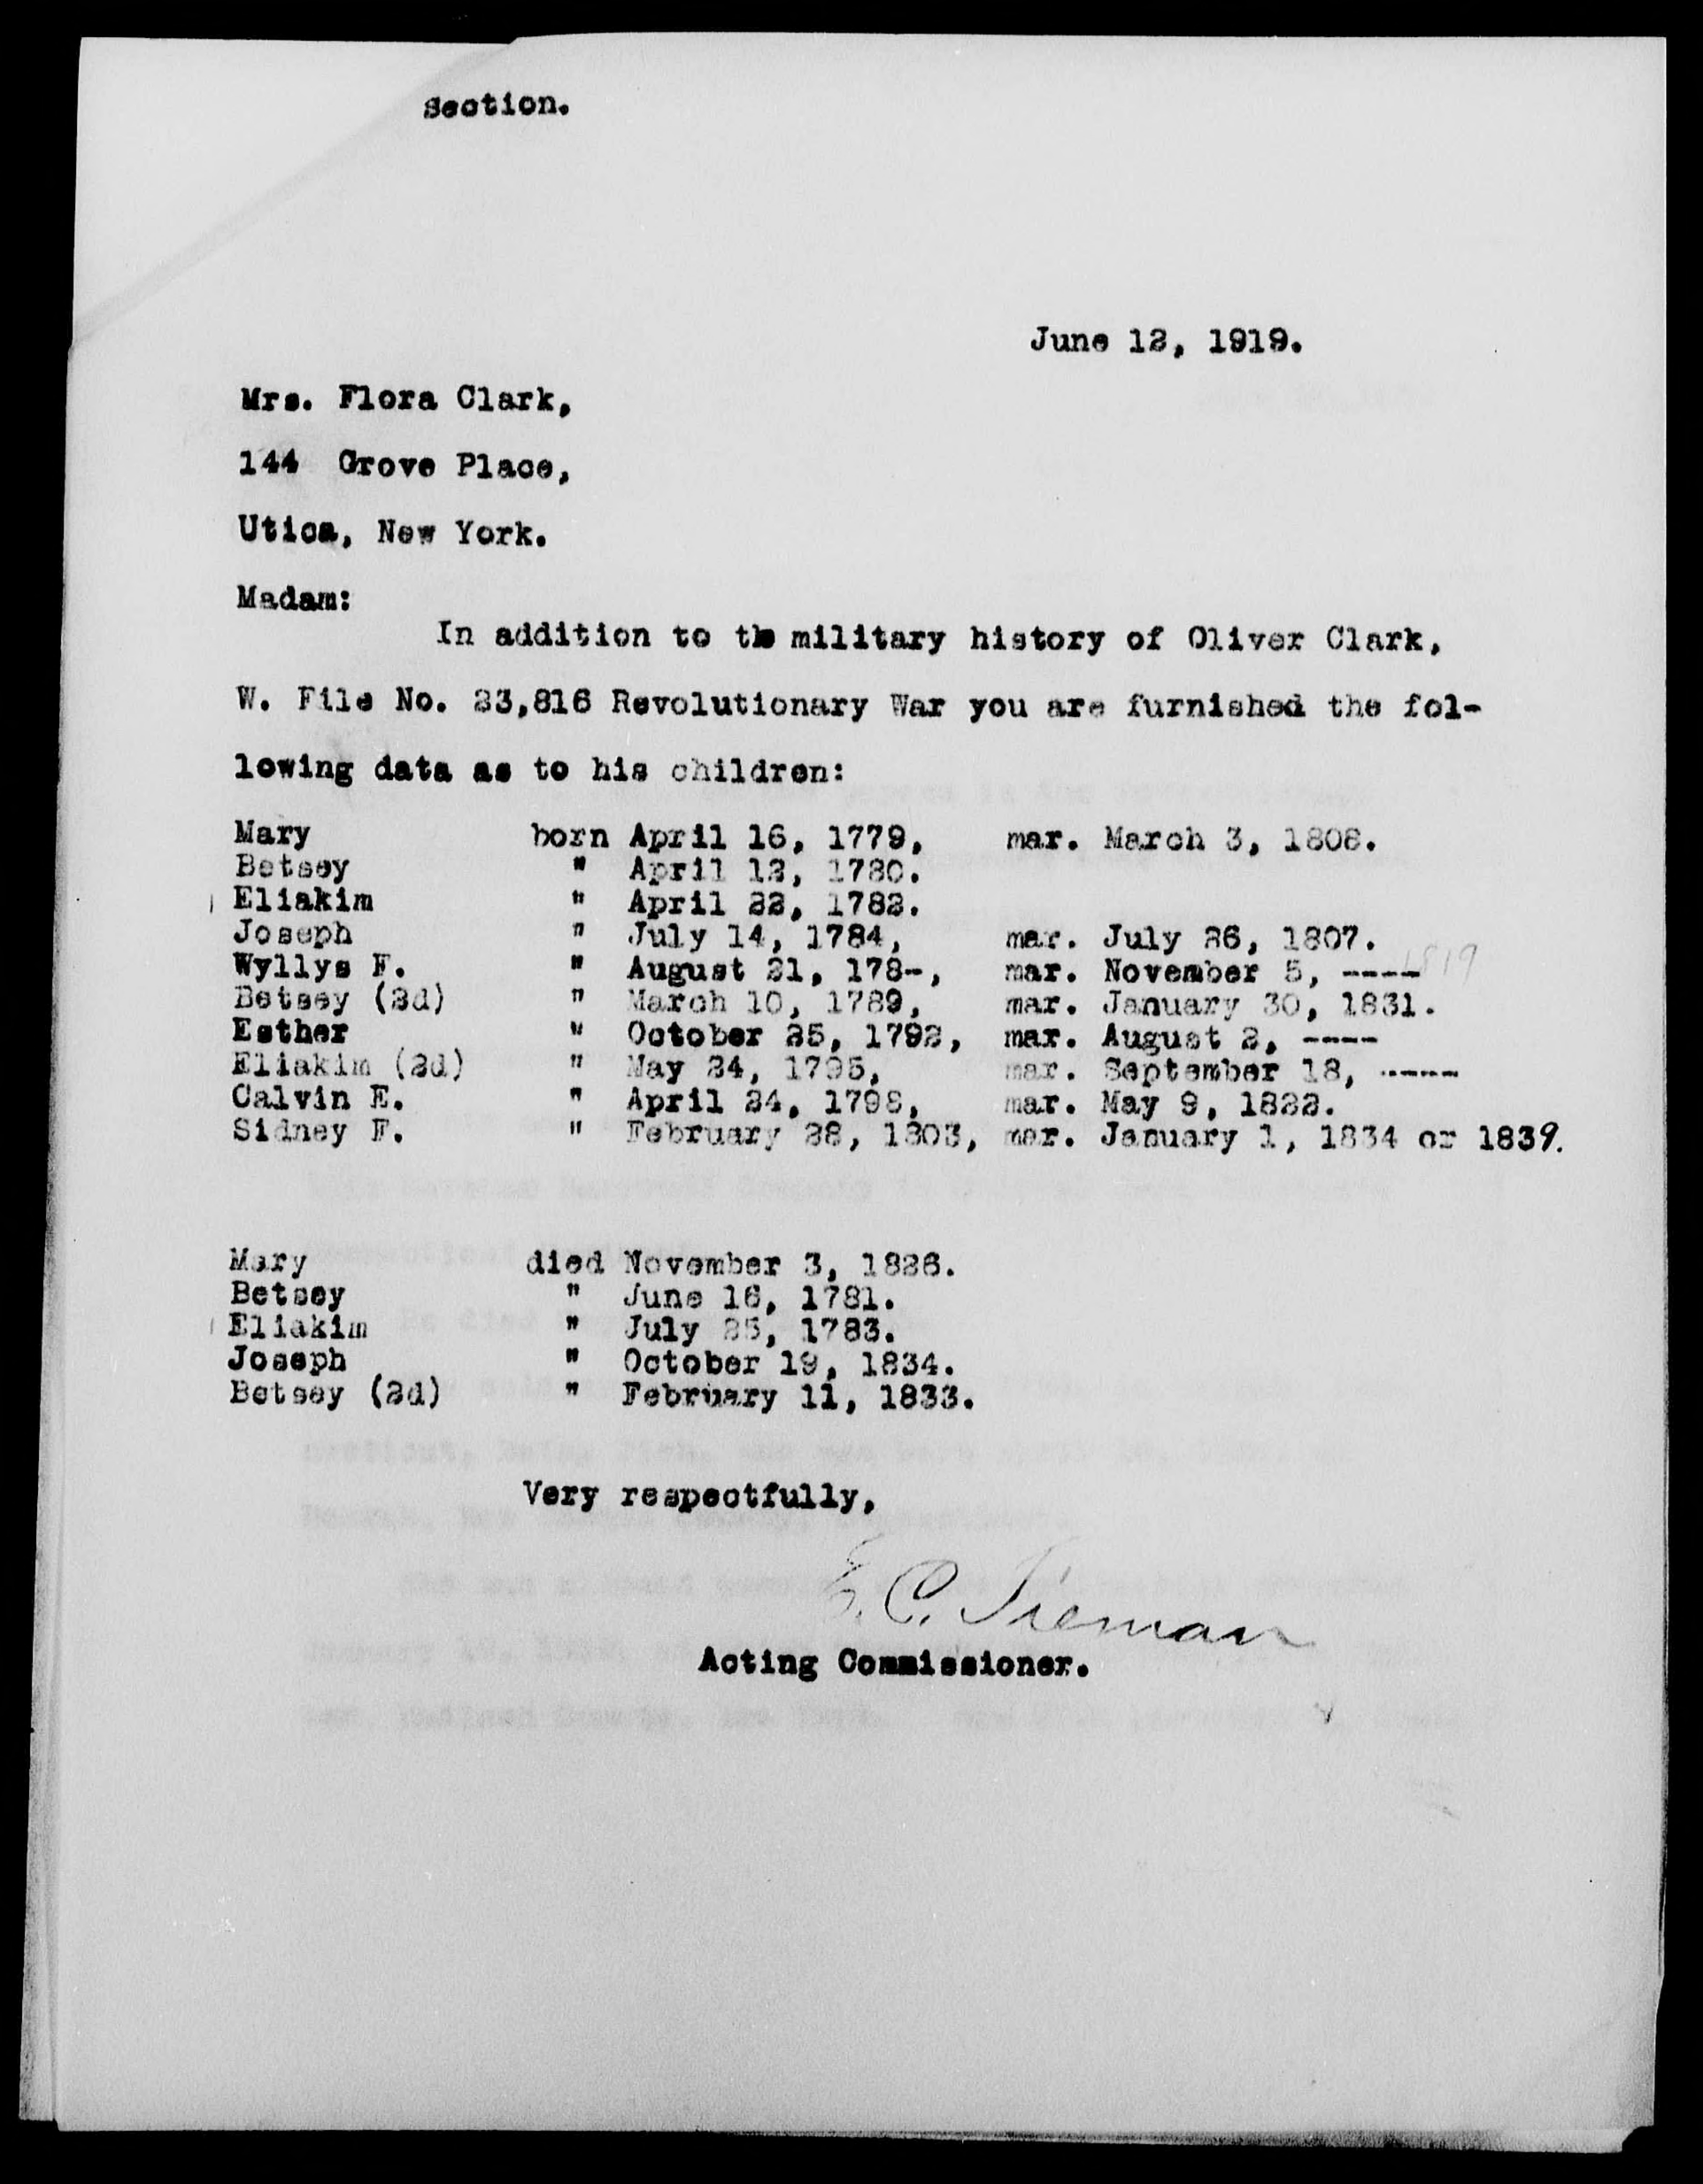[typed]

June 12, 1919.

Mrs. Flora Clark,
144 Grove Place,
Utica, New York.
Madam:
In addition to the military history of Oliver Clark, W. File No. 23,816 Revolutionary War you are furnished the following data as to his children:

Mary born April 16, 1779, mar. March 3d 1808.
Betsey born April 12, 1780.
Eliakim born April 22, 1782. 
Joseph born July 14, 1784, mar July 26, 1807.
Wyllys F. born August 21, 178-, mar. November 5, 1819.
Betsey (2d) born March 10, 1789, mar. January 30, 1831.
Esther born October 25, 1792, mar. August 2, -----.
Eliakim (2d) born May 24, 1795, mar. September 18, -----.
Calvin E. born April 24, 1798, mar. May 9, 1822.
Sidney F. born February 28, 1803, mar. January 1, 1834 or 1839.

Mary died November 3, 1826.
Betsey died June 16, 1781.
Eliakim died July 25, 1783.
Joseph died October 19, 1834.
Betsey (2d) died February 11, 1833.

Very respectfully,
E. C. Tieman
Acting Commissioner.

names: Betsey, Eliakim, Betsey, Betsey, Wyllys F, Eliakim, Sidney F, Betsey, Mary, Calvin E, Joseph, Flora Clark, E C Tieman, Joseph, Esther, Mary, Eliakim, Oliver Clark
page: 23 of 51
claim: widow's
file: W. 23816, Oliver Clark, Conn.